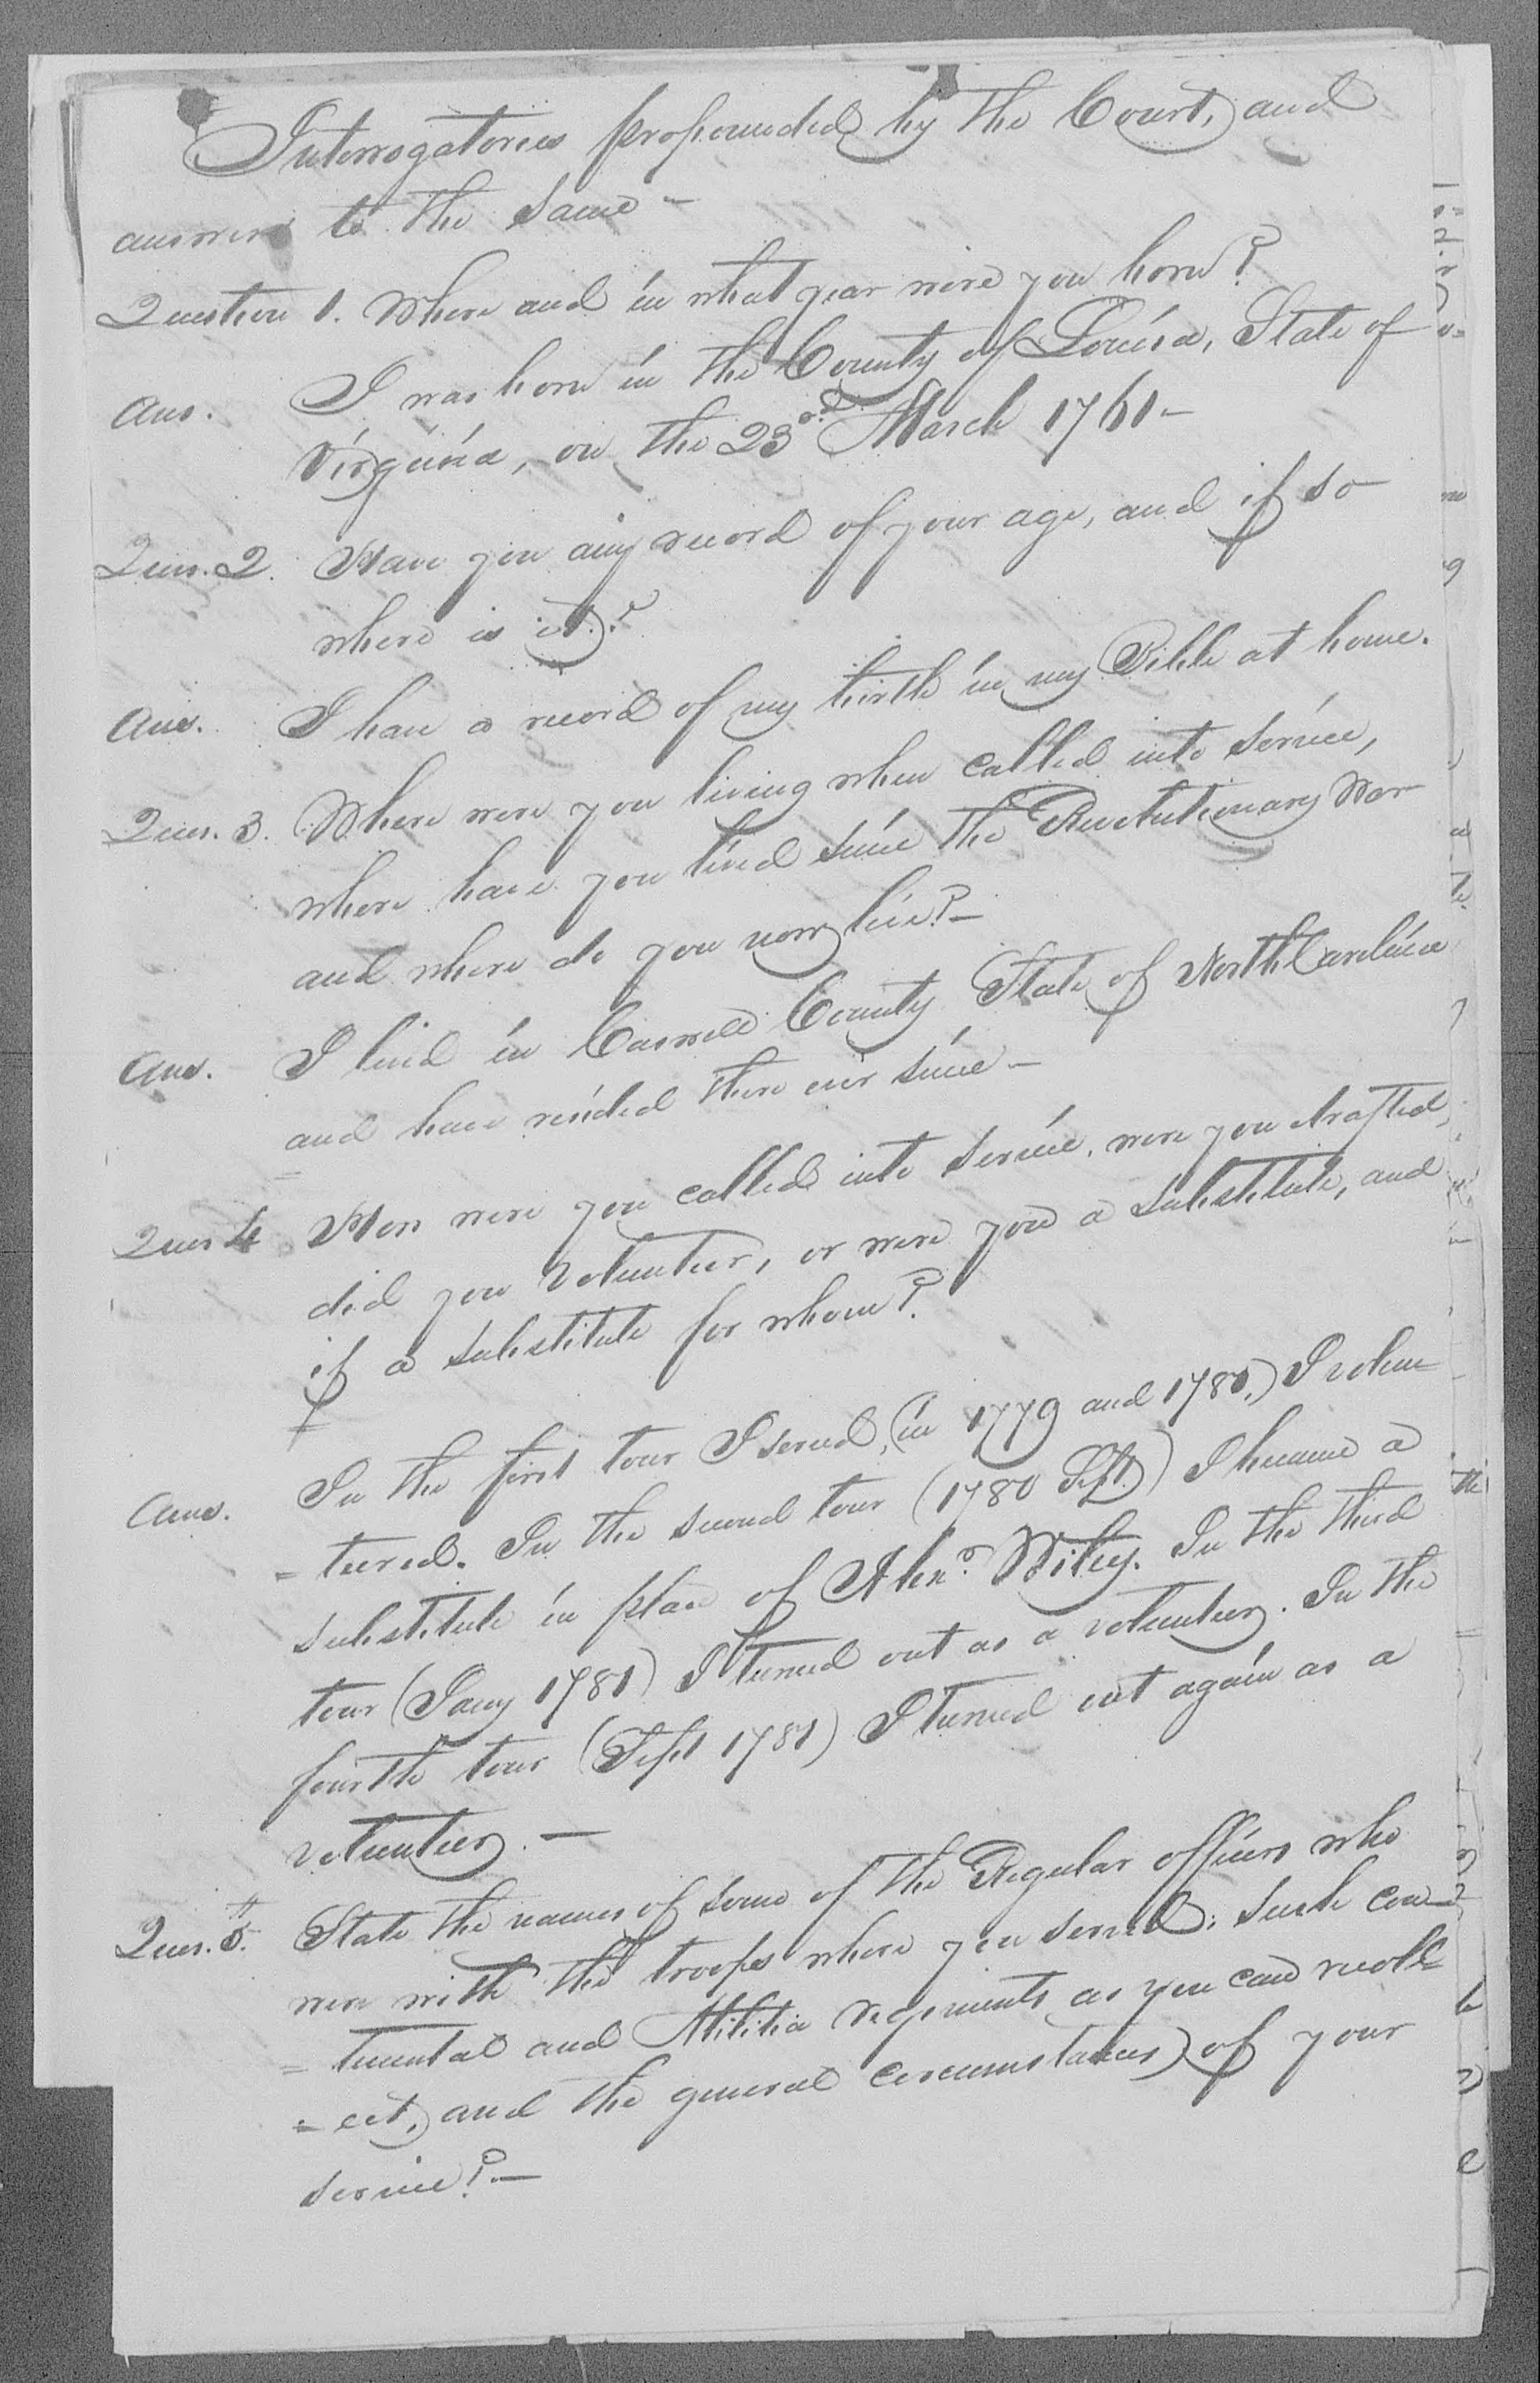Interrogatories propounded by the Court and answers to the Same -
Question 1. When and in what year were you born? 
Ans: I was born in the County of Louisa, State of Virginia, on the 23rd of March 1761. 
Ques. 2 Have you any record of your age and if so where is it? 
Ans: I have a record of my birth in my Bible at home. 
Ques 3 Where were you living when called into service: where have you lived since the Revolutionary War and where do you now live? 
Ans: I lived in Caswell County State of North Carolina and have resided there ever since -
Ques 4 How were you called into service; were you drafted; did you volunteer or were you a substitute, and if in substitute, for whom? 
Ans: In the first tour served (in 1779 and 1780), I volunteered. In the second tour (1780 Sept. [September]) I became a Substitute in place of Alexr [Alexander] Wiley. In the third tour (Jany [January] 1781) I turned out as a volunteer. In the fourth tour (September 1781) I turned out again as a volunteer. 
Ques 5th State the names of some of the Regular officers who were with the troops when you served, such Continental and Militia regiments as you can recollect and the general circumstances of your service.-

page: 8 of 23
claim: survivor's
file: S. 6560, David Barker, N.C.